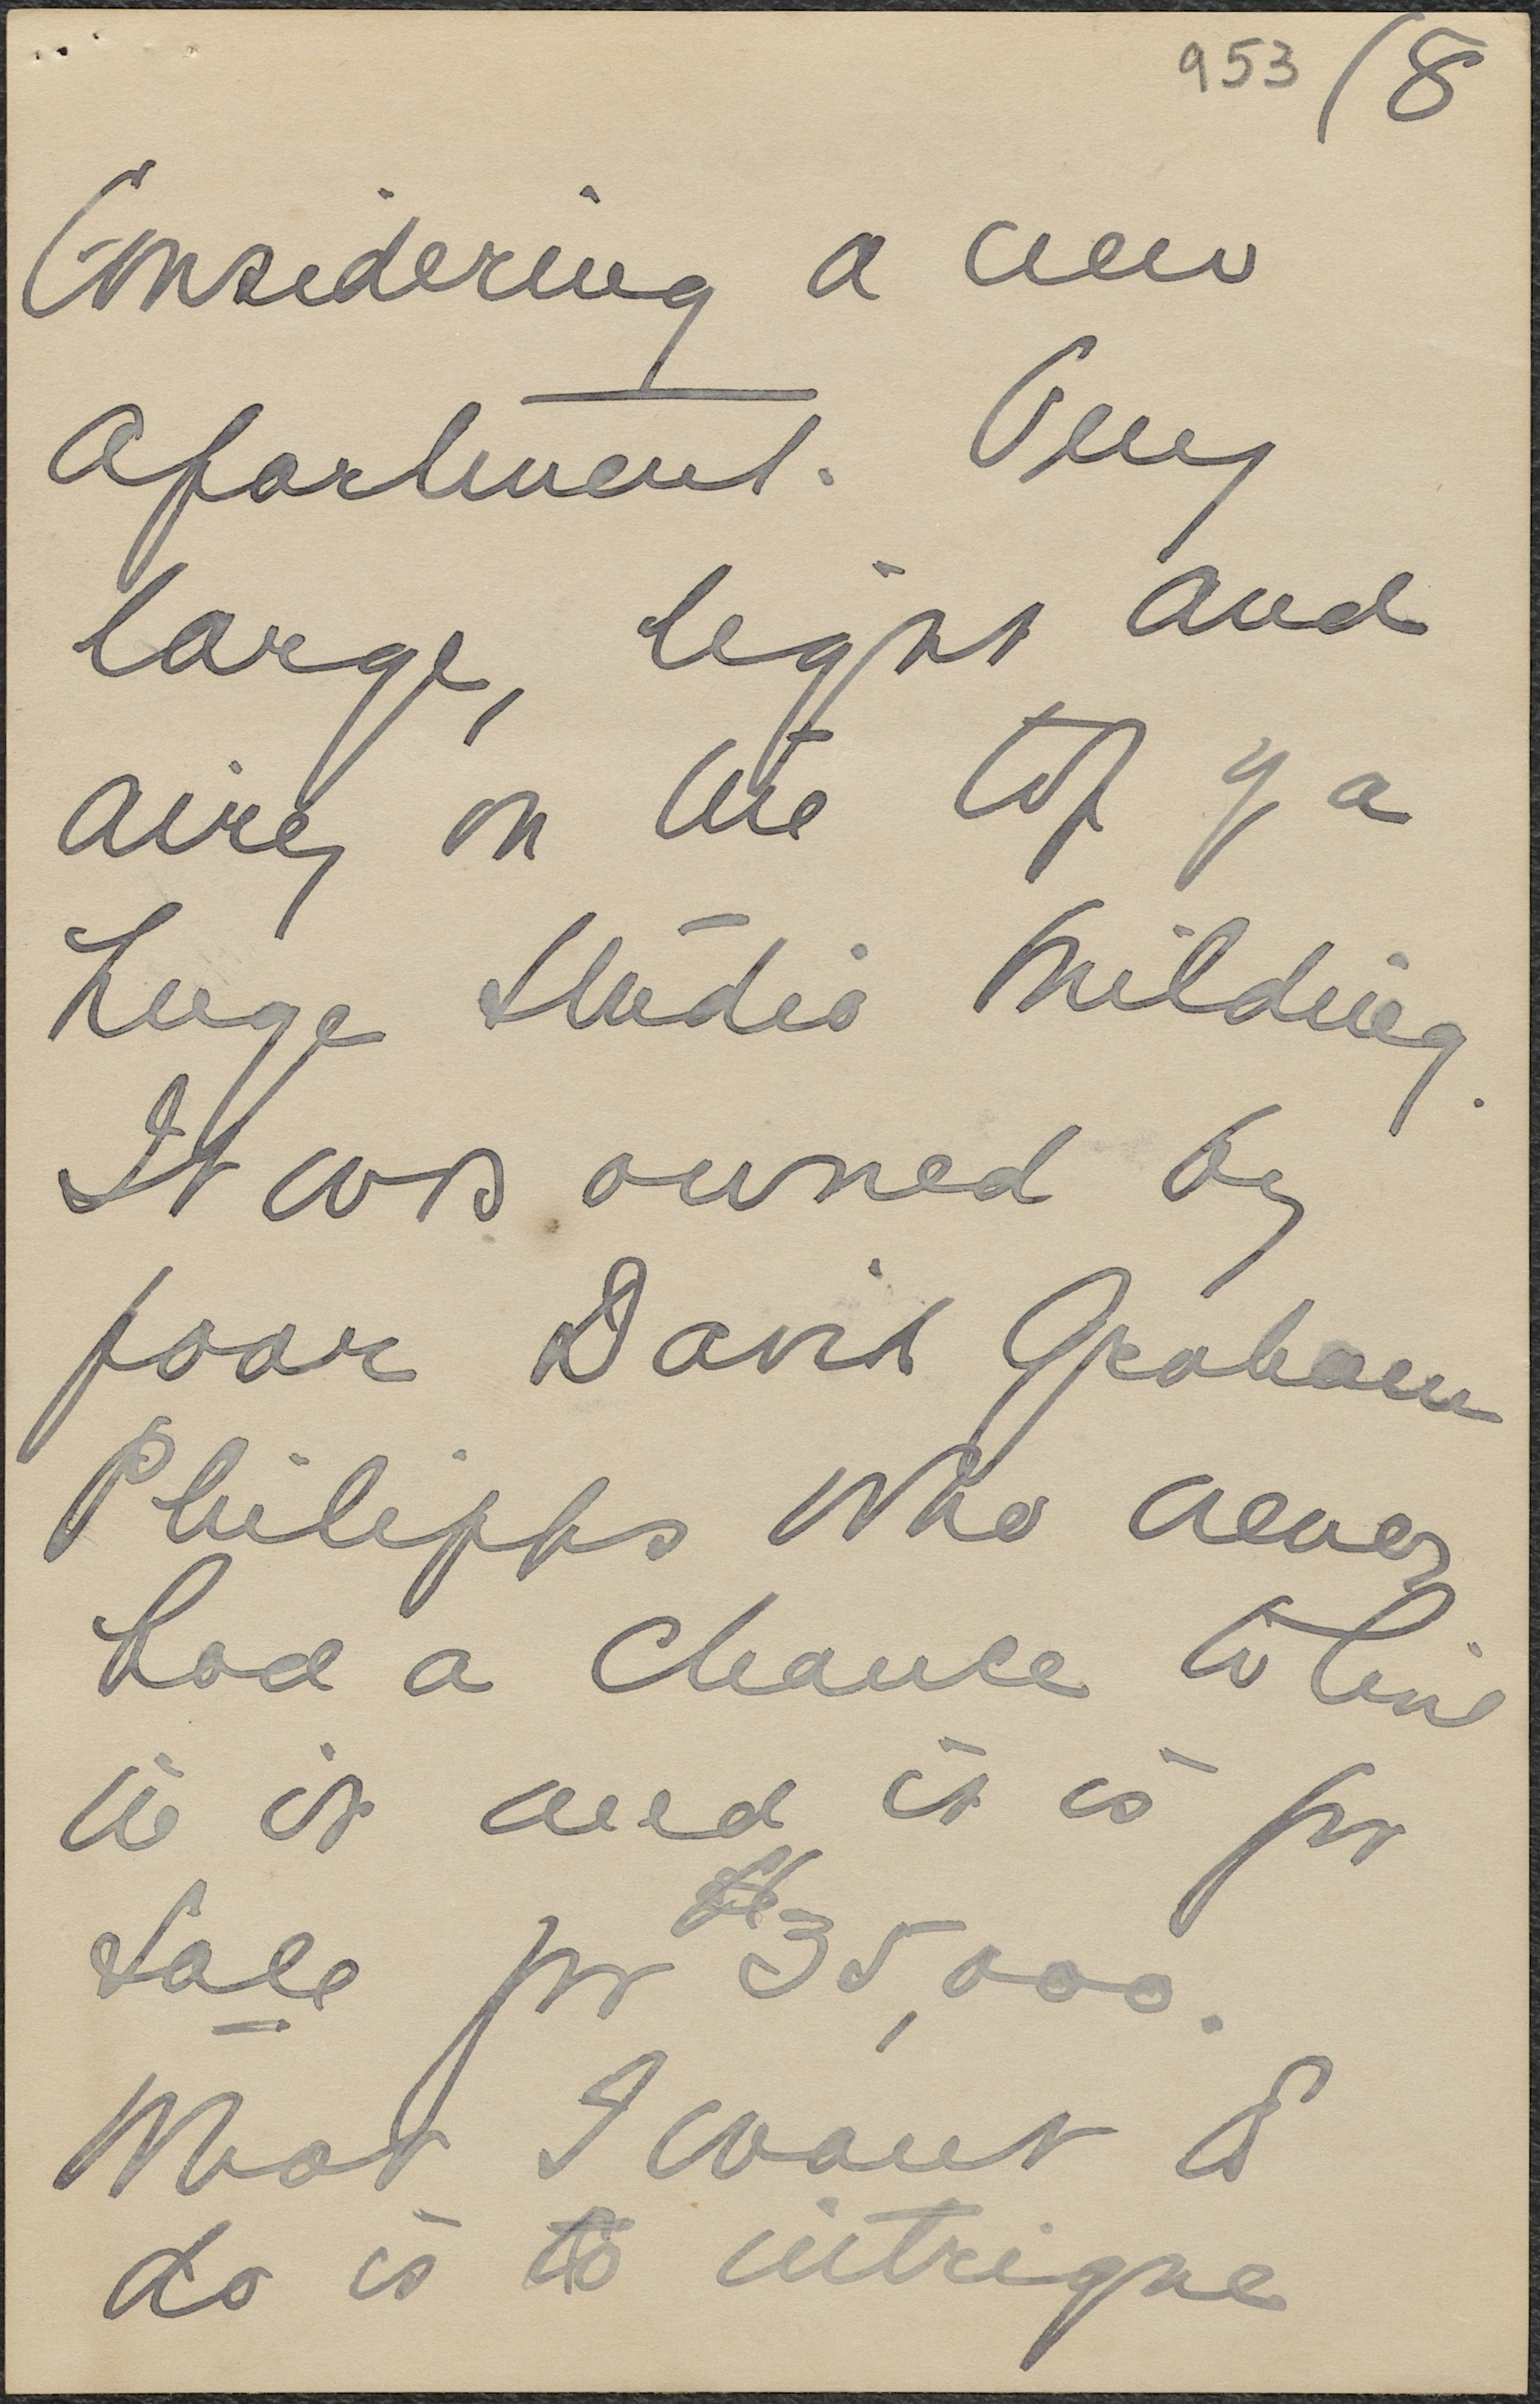(8
considering a new apartment. Very large, light and airy on the top of a huge studio building. It was owned by poor David Graham Philipps who never had a chance to live in it and it is for sale for $35,000. What I want to do is to intrigue